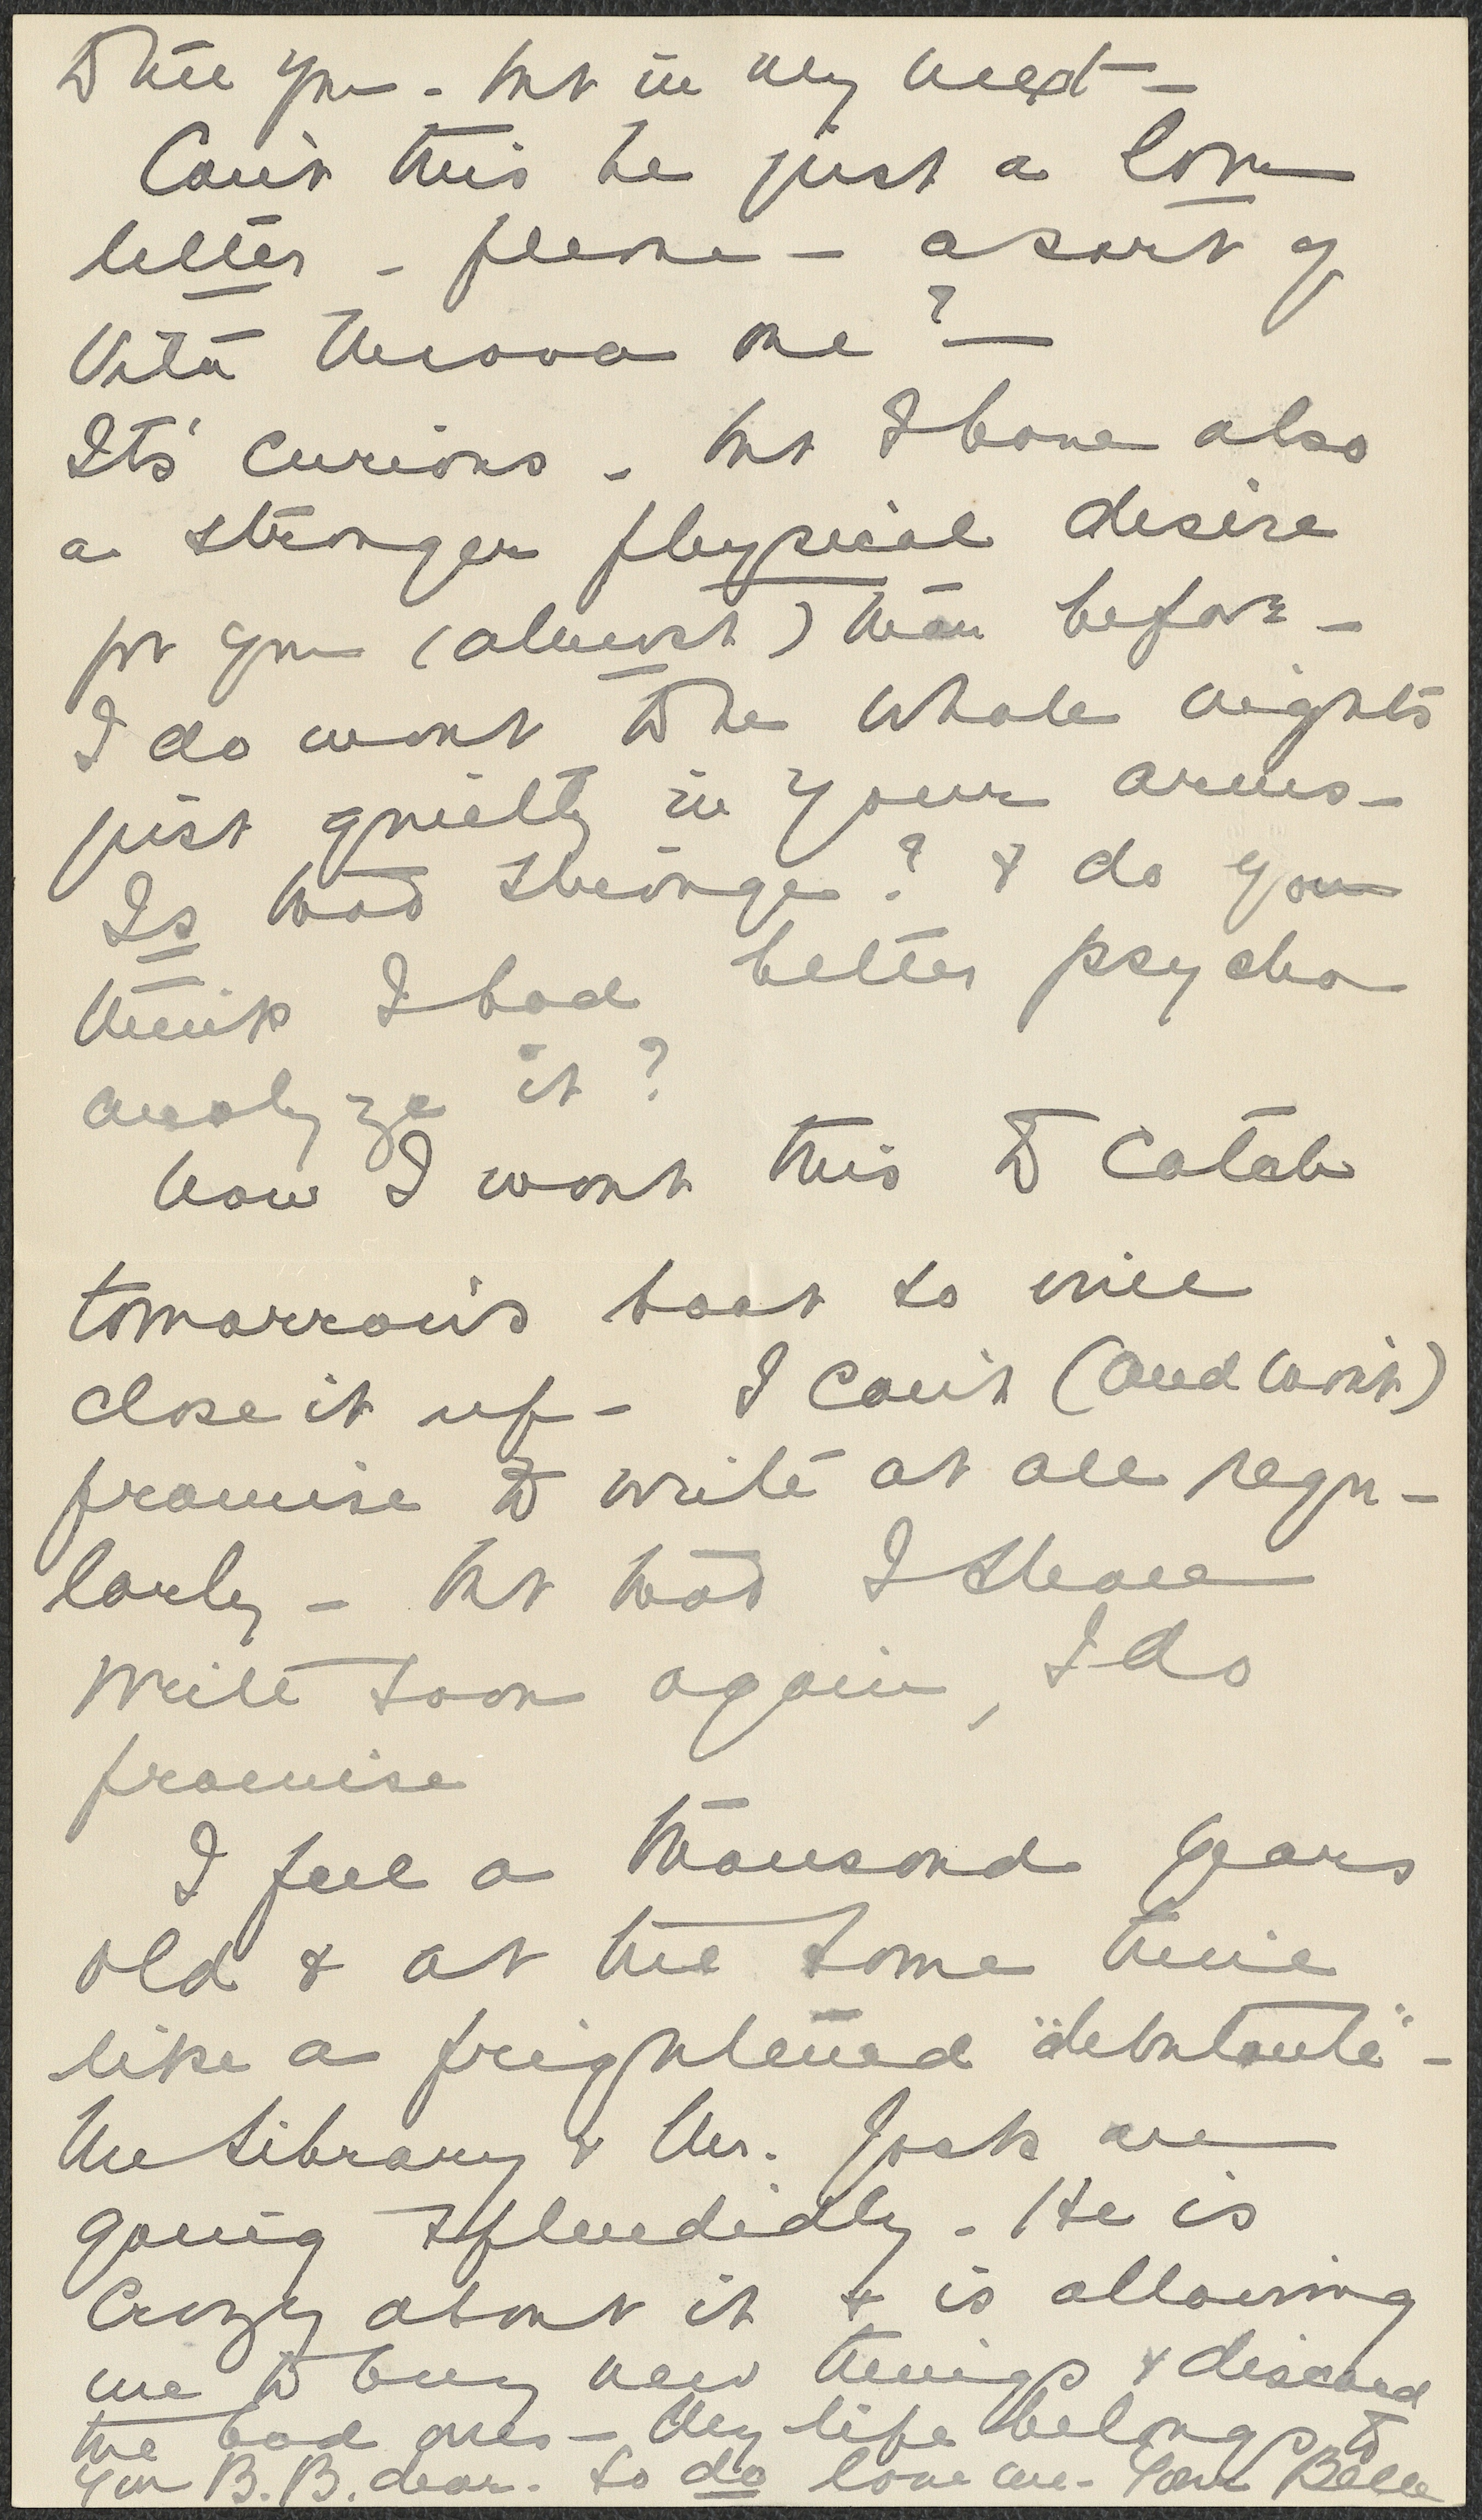to tell you – but in my next –
Can't this be just a love letter – please – a sort of Vita Nuova one? –
It's curious, but I have also a stronger physical desire (almost) than before – I do want to be whole nights just quietly in your arms – Is that strange? & do you think I had better psychoanalyze it?
Now I want this to catch tomorrow's boat so will close it up – I can't (and won't) promise to write at all regularly – but that I shall write soon again, I do promise
I feel a thousand years old & at the same time like a frightened "debutante" – the Library & Mr. Jack are going splendidly – He is crazy about it & is allowing me to buy new things & discard the bad ones – My life belongs to you B.B. dear. So do love me. Your Belle